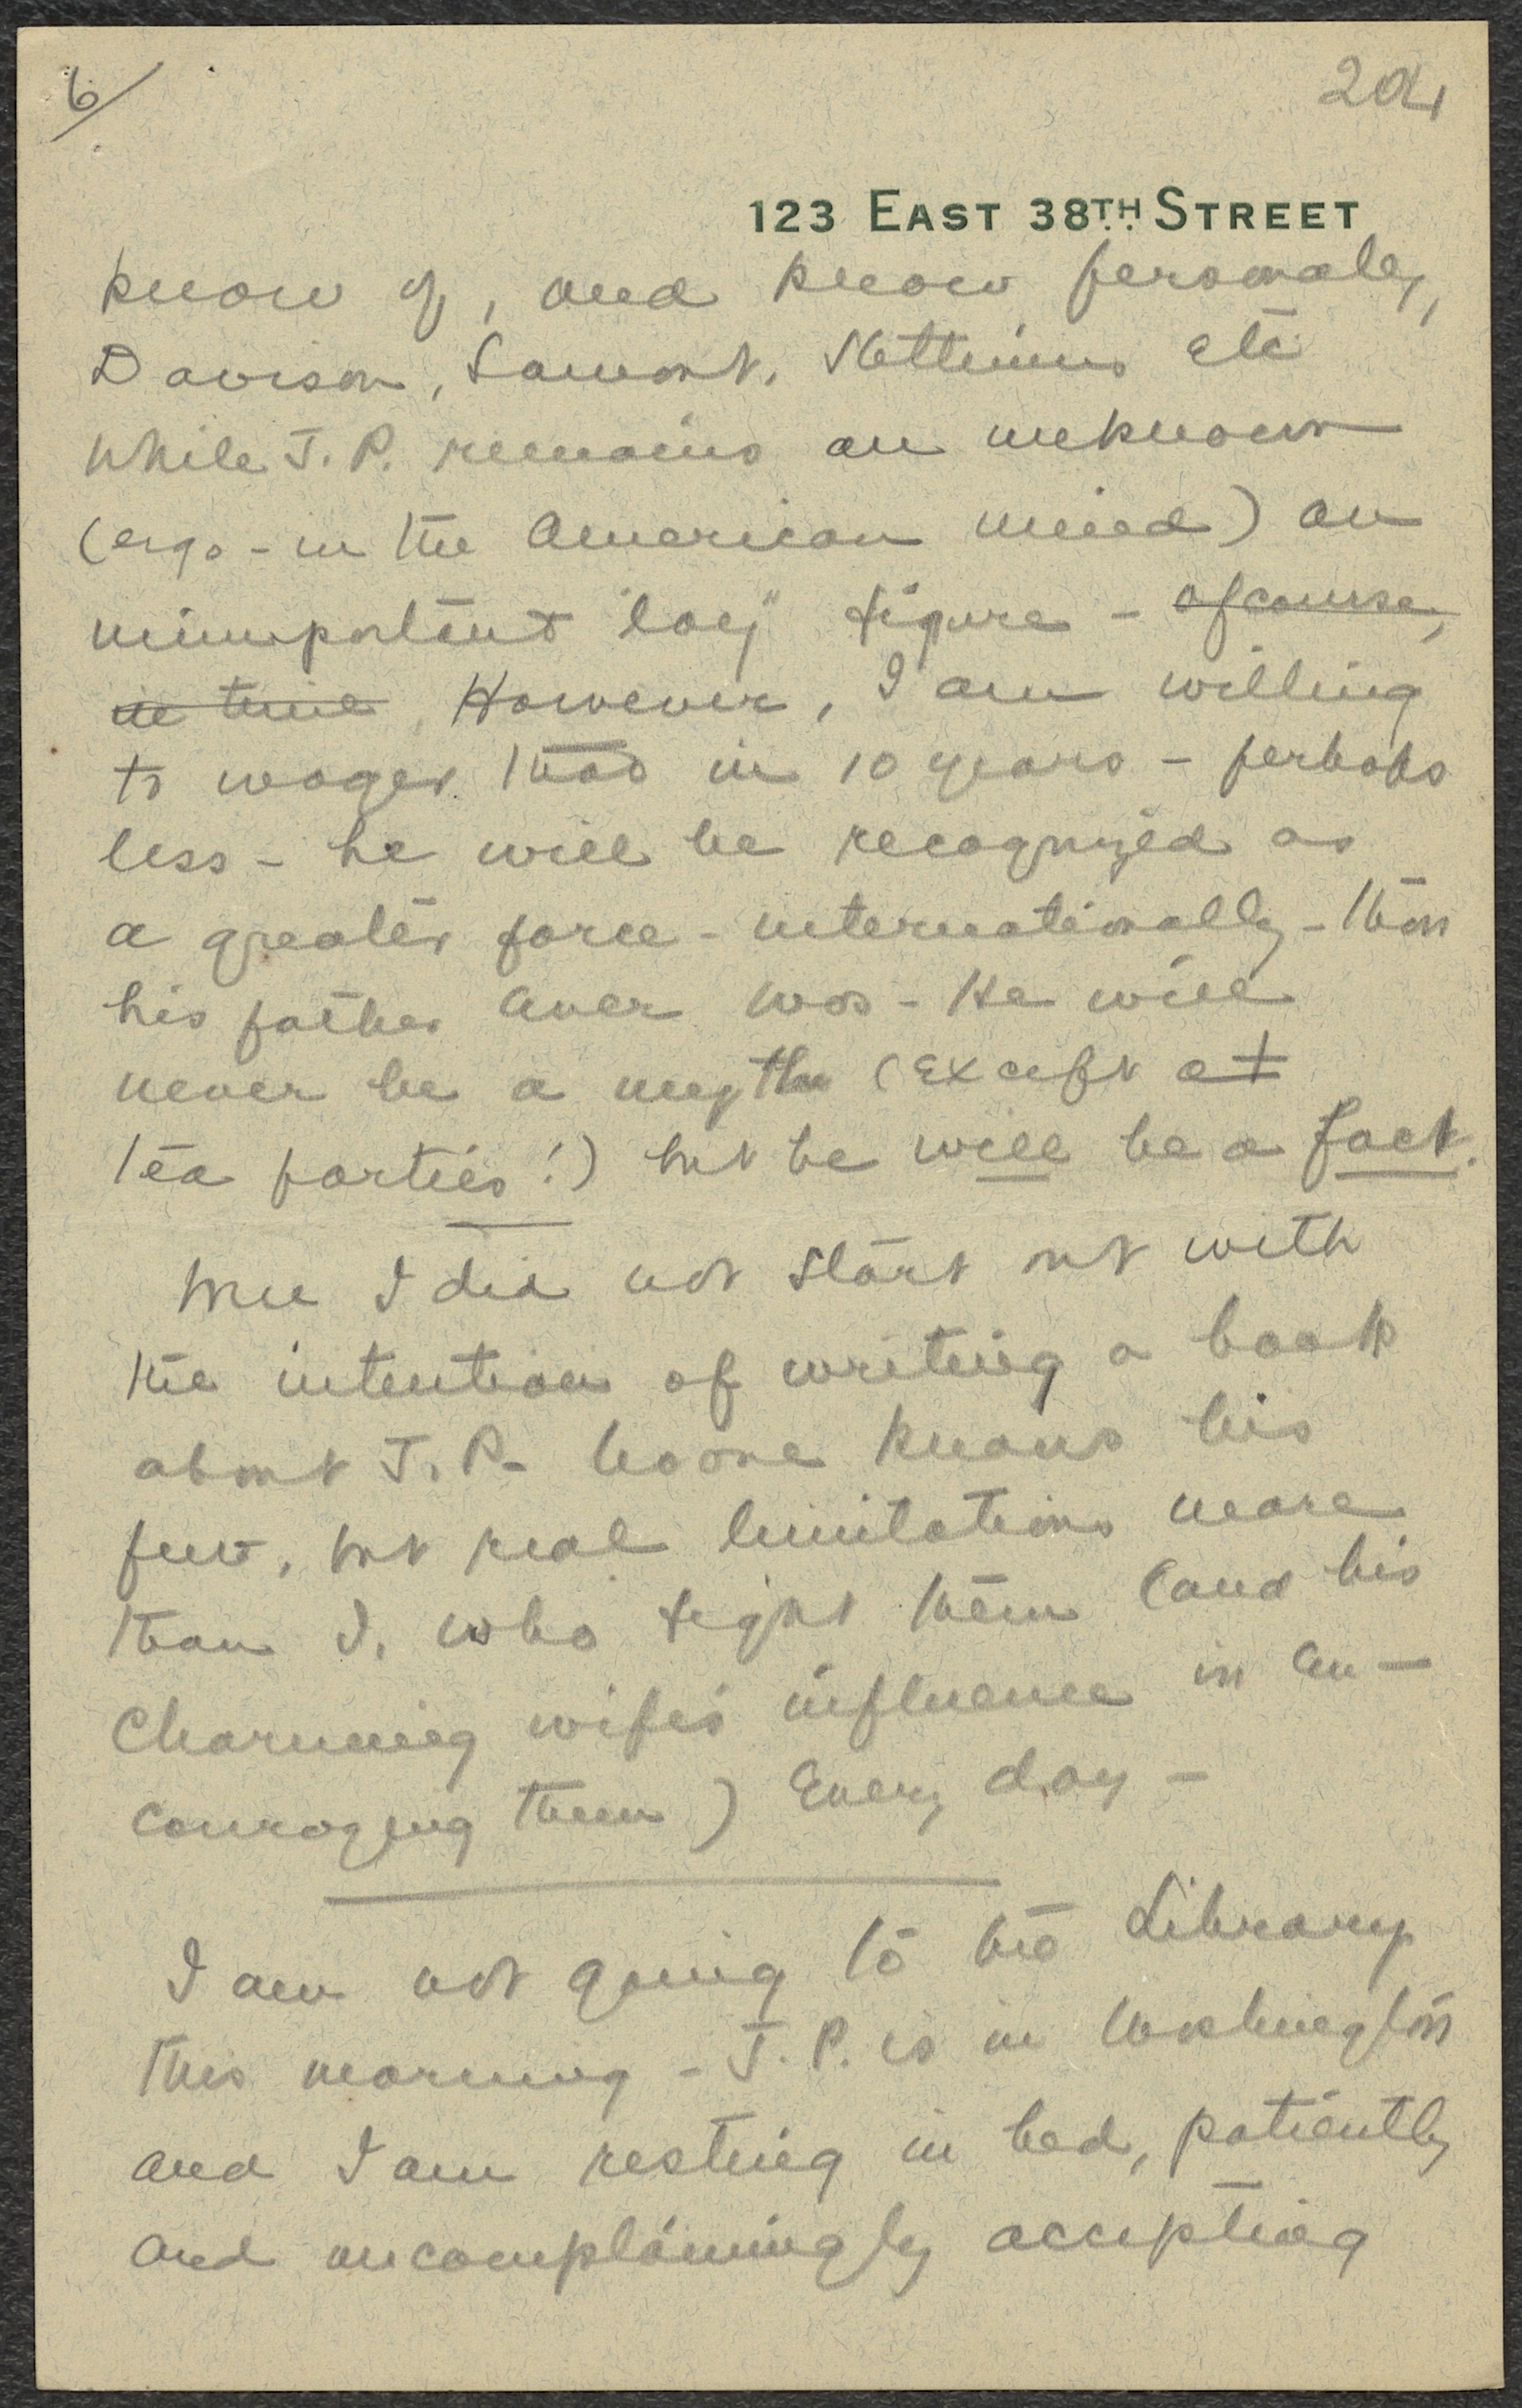know of, and know personally, Davison, Lamont, Stettinius etc
While J.P. remains an unknown (ergo – in the American mind) an unimportant “lay” figure – of course, in time However, I am willing to wager that in 10 years – perhaps less – he will be recognized as a greater force – internationally – than his father ever was – He will never be a myth (except at tea parties!) but he will be a fact.
Well I did not start out with the intention of writing a book about J.P no one knows his fun, but real limitations more than I. who fight them (and his charming wife’s influence in encouraging them) every day
I am not going to the Library this morning – J.P. is in Washington and I am resting in bed, patiently and uncomplainingly accepting